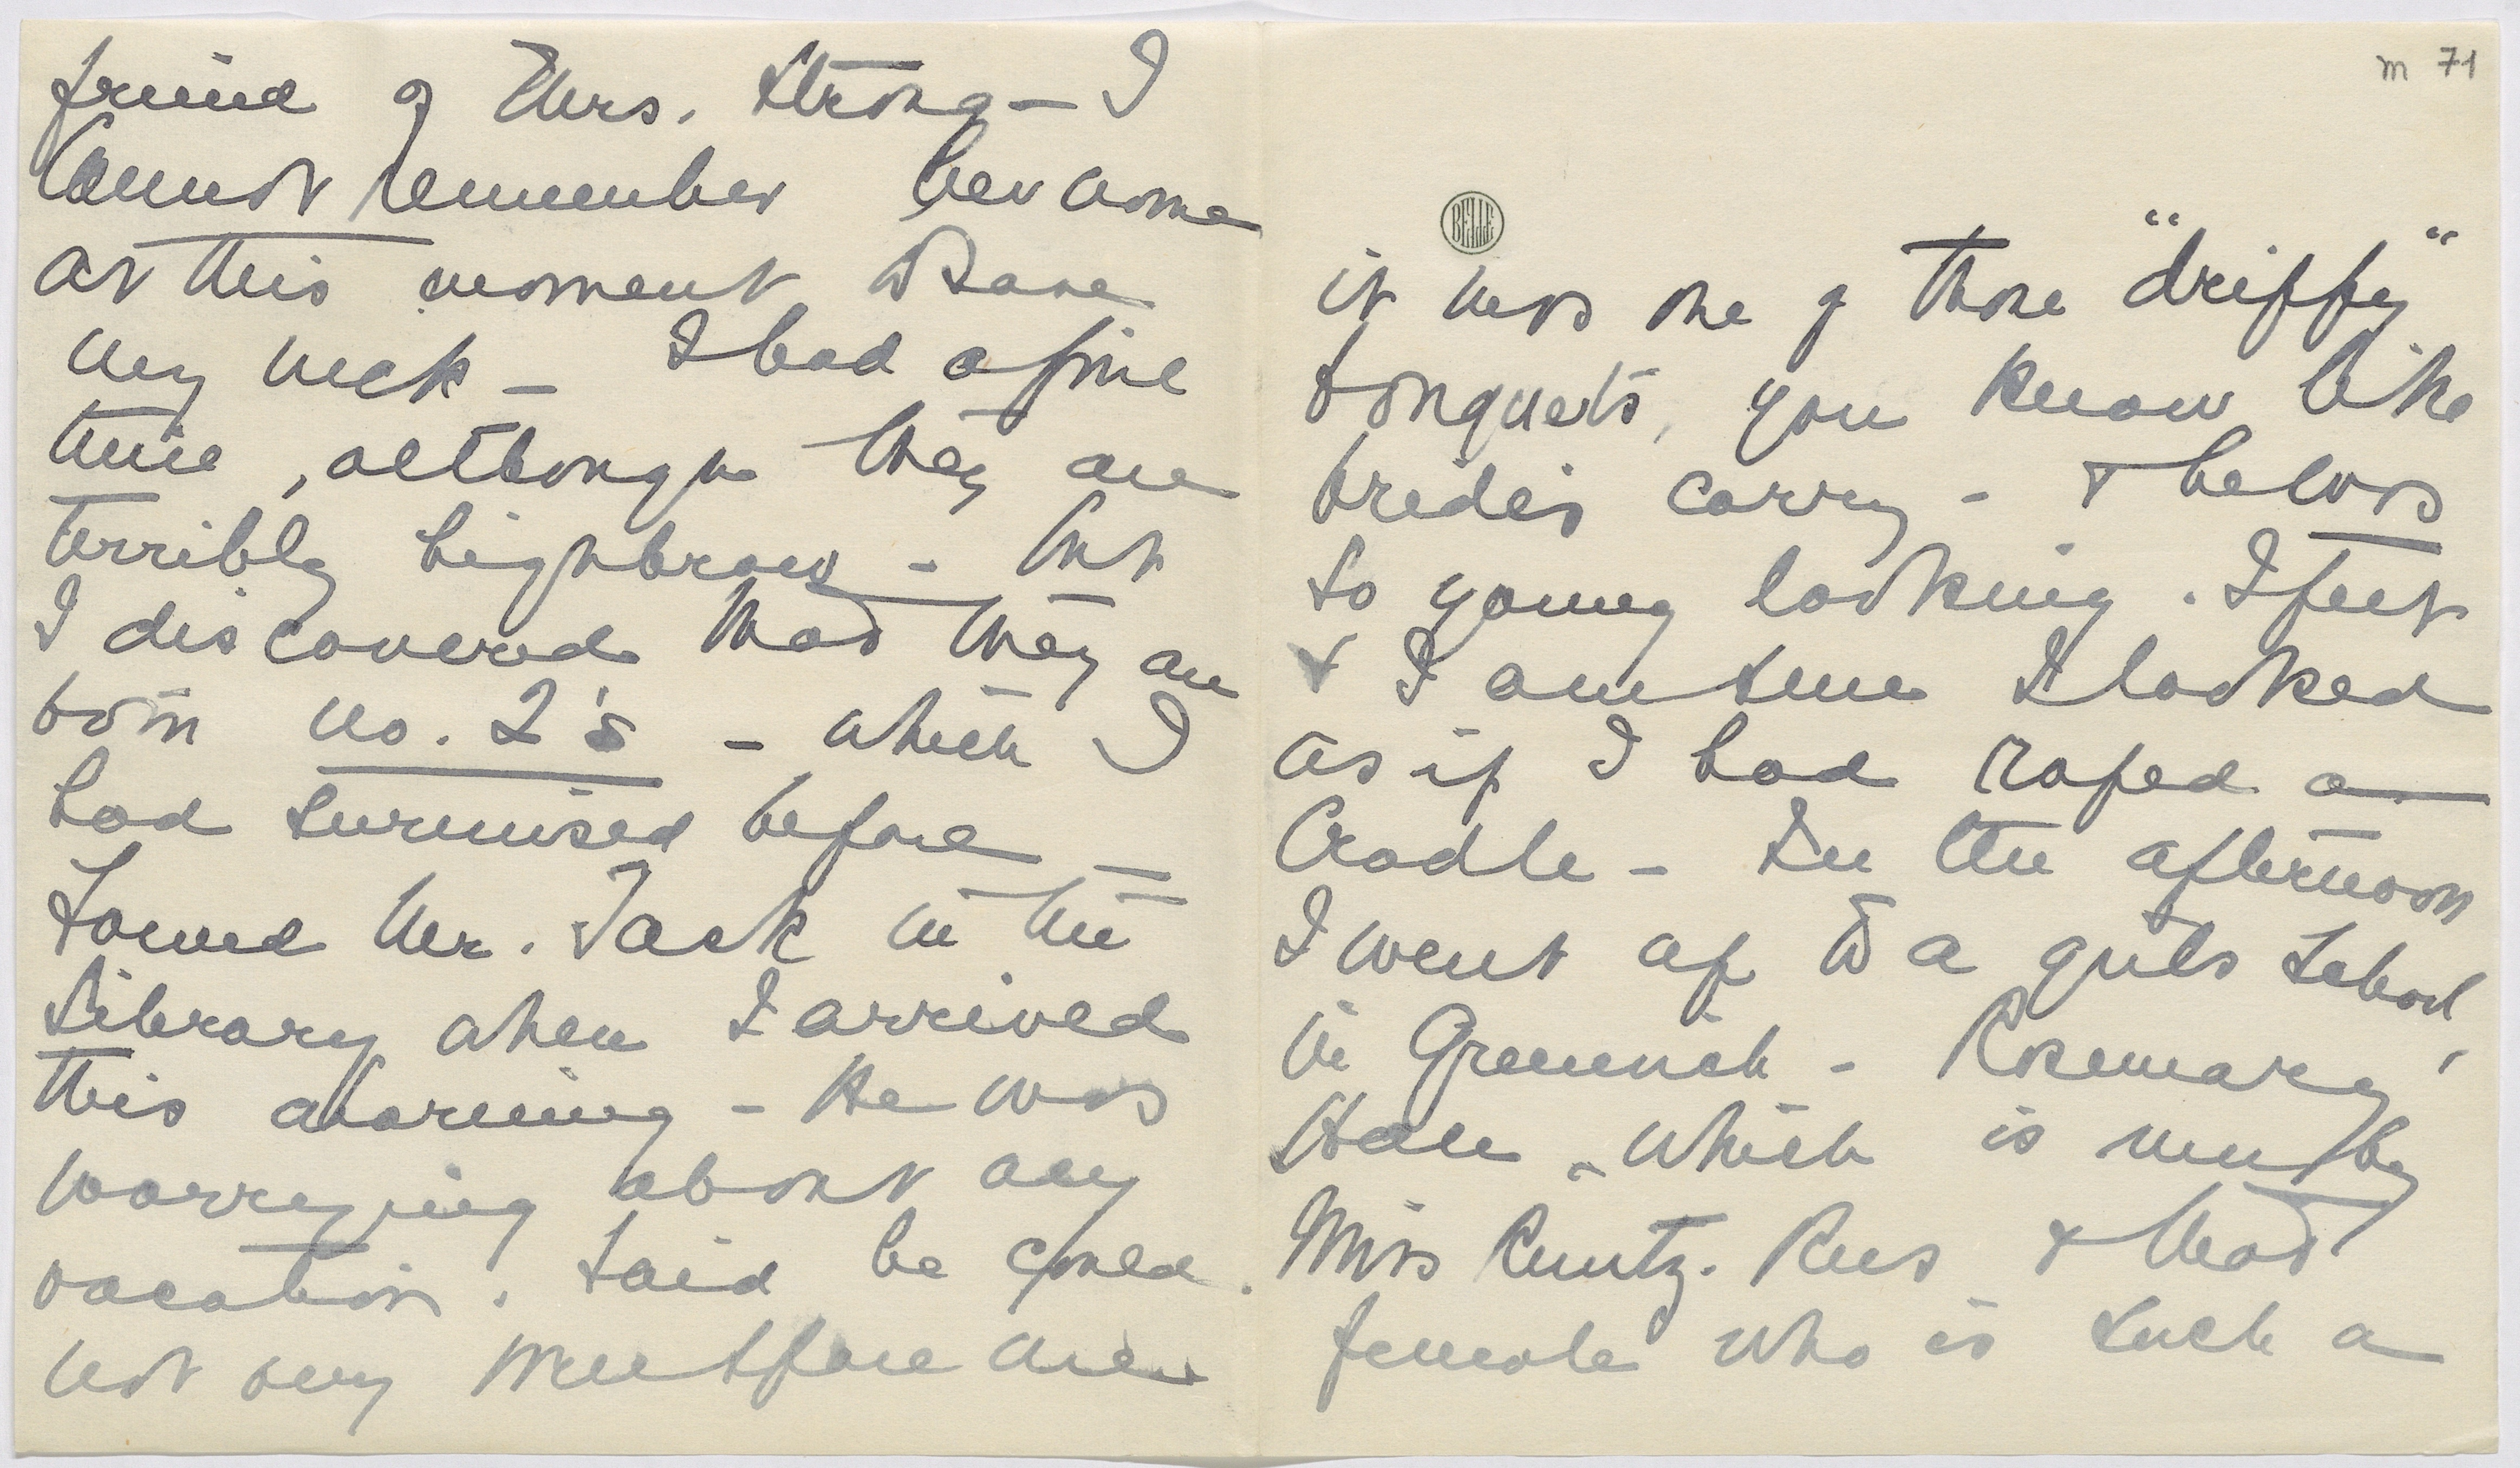it was one of those “drippy” bouquets, you know like brides carry – & he was so young looking. I felt & I am sure I looked as if I had raped a cradle – In the afternoon I went up to a girls school in Greenwich – Rosemary Hall – which is run by Miss Ruutz-Rees & that female who is such a
friend of Mrs. Strong – I cannot remember her name at this moment to save my neck – I had a fine time, although they are terribly highbrow – but I discovered that they are both no. 2’s – which I had surmised before – Found Mr. Jack in the Library when I arrived this morning – He was worrying about my vacation! Said he could not very well spare me